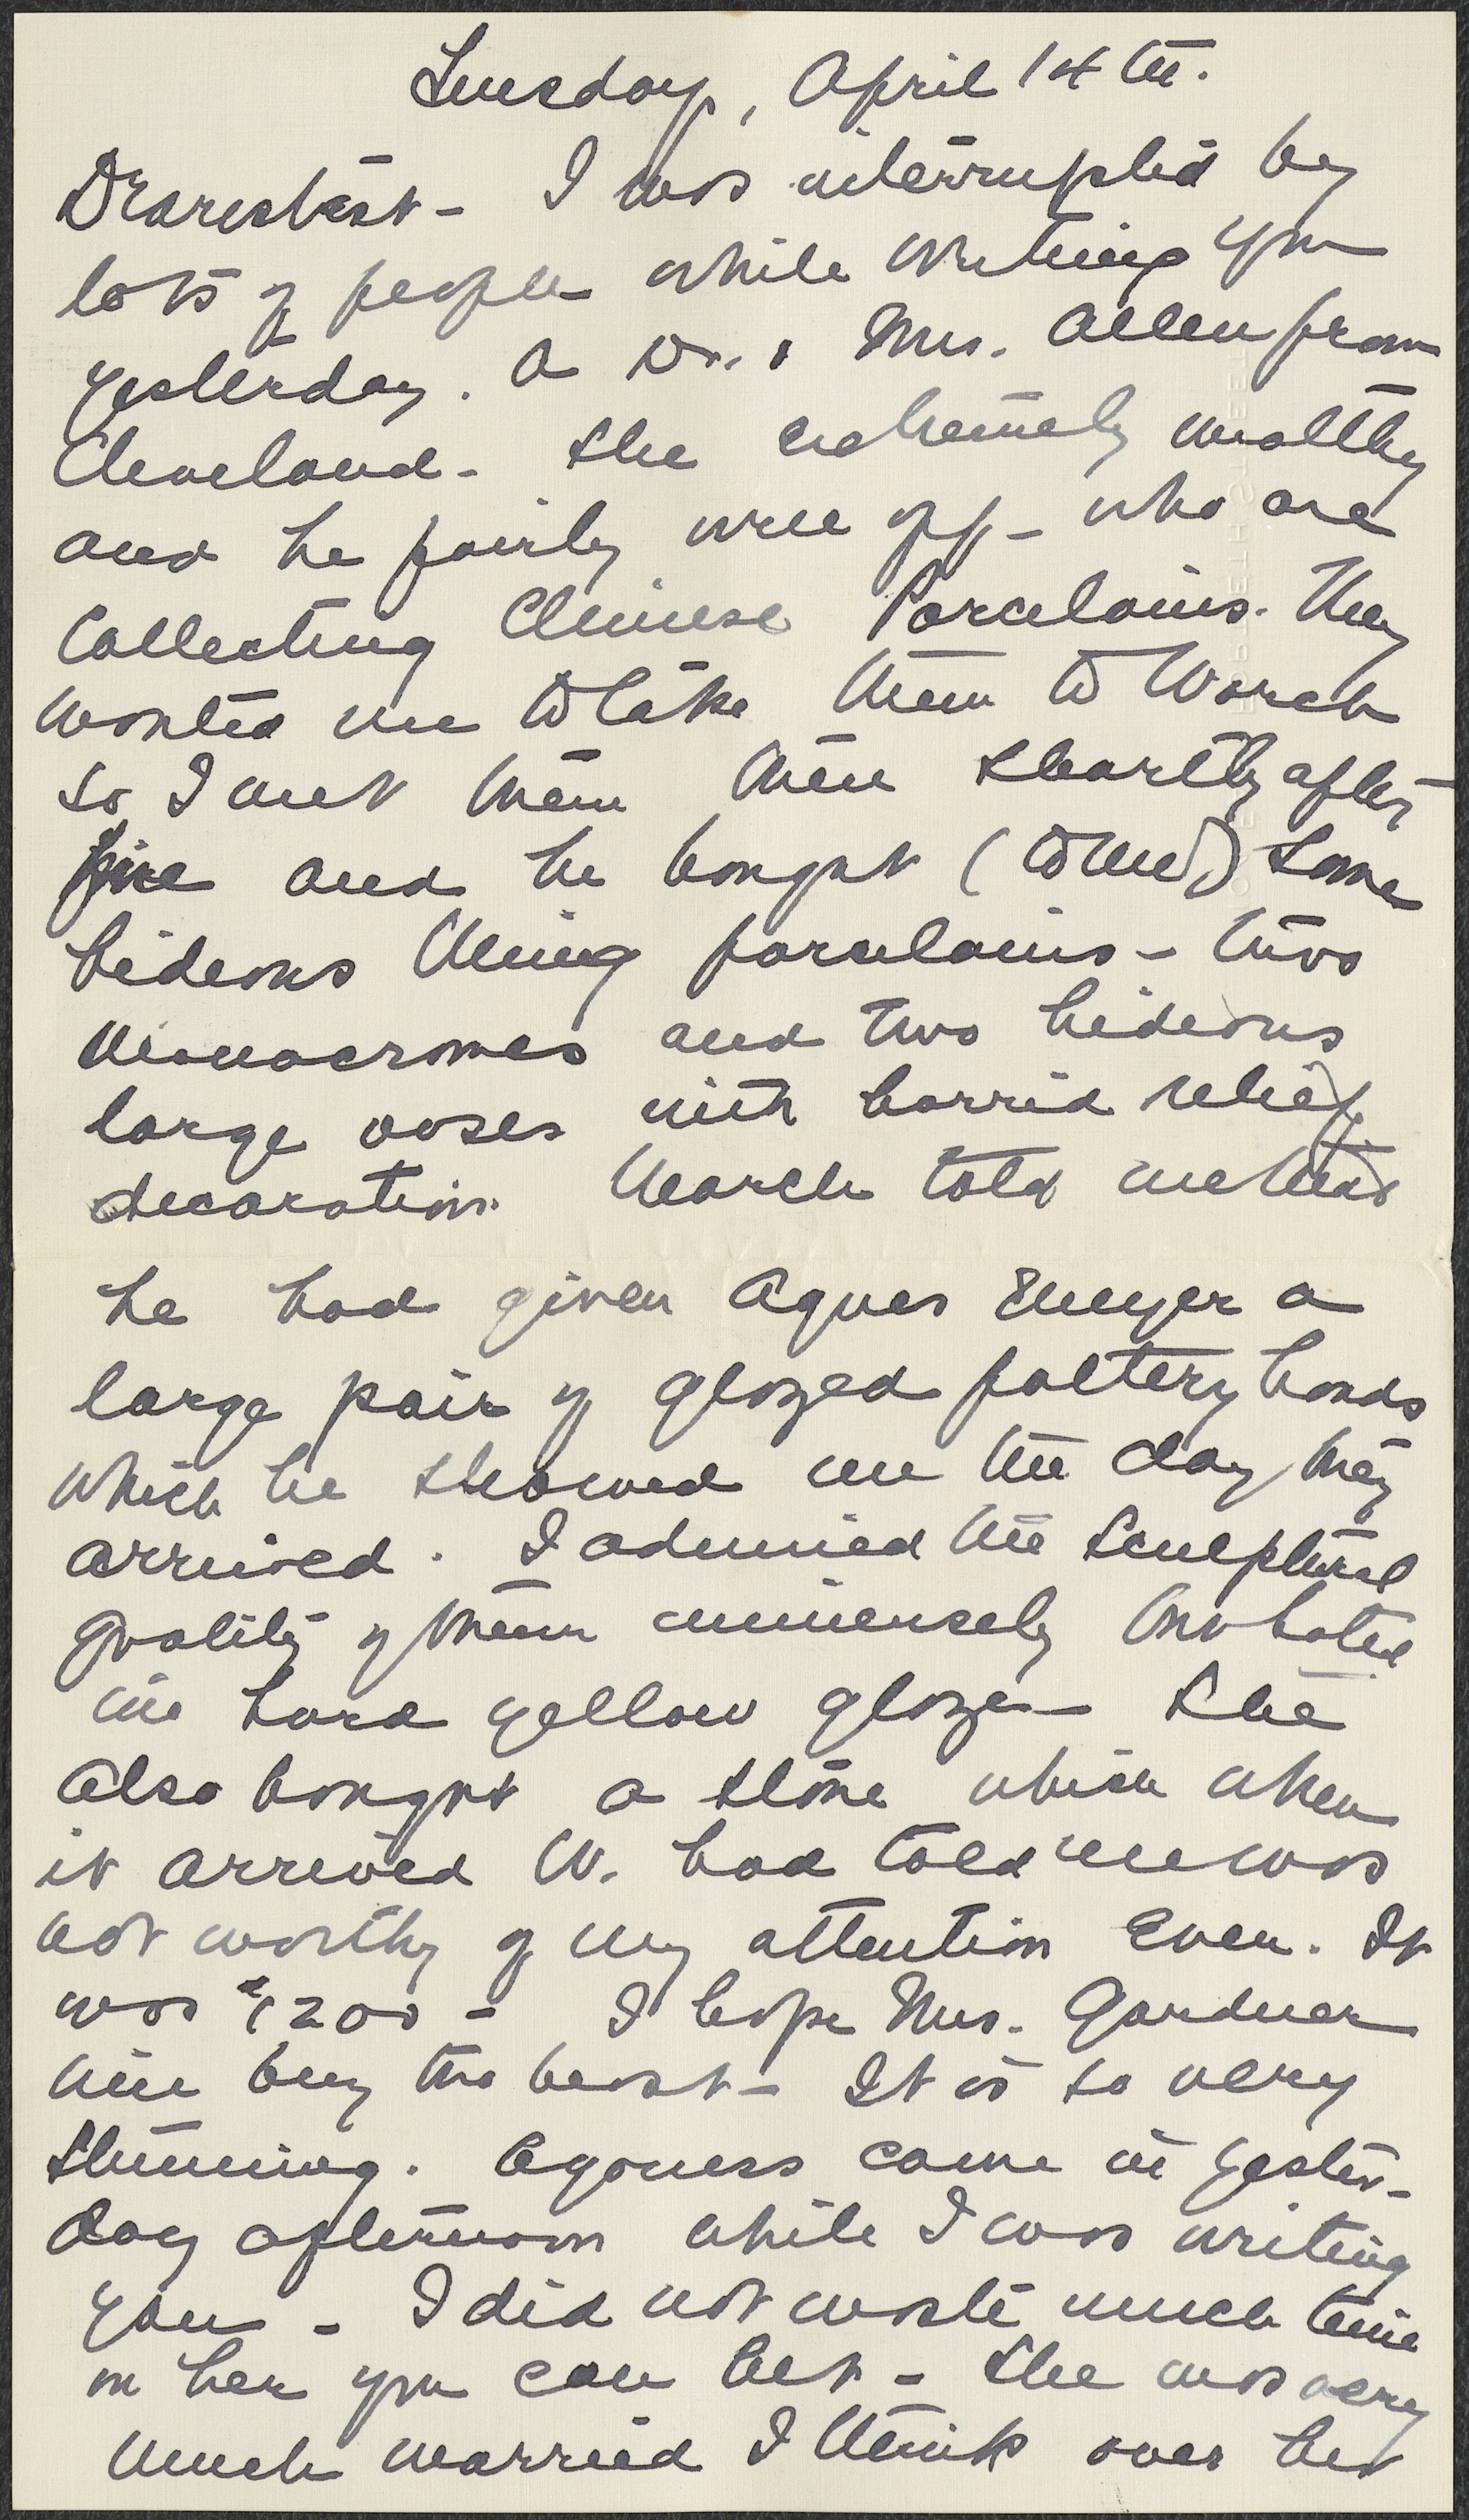Tuesday, April 14th.
Dearestest – I was interrupted by lots of people while writing you yesterday. A Dr. & Mrs. Allen from Cleveland – She extremely wealthy and he fairly well off – who are collecting Chinese Porcelains – They wanted me to take them to Worch so I met them there shortly after five and he bought (to me) some hideous Ming porcelains – two monochromes and two hideous large vases with horrid relief decoration. Worch told me that he had given Agnes Meyer a large pair of glazed pottery heads which he showed me the day they arrived. I admired the sculptural quality of them immensely but hated the hard yellow glaze – She also bought a stone which when it arrived W. had told me was not worthy of my attention even. It was $1200 – I hope Mrs. Gardner will buy the beast – It is so very stunning. Agoness came in yesterday afternoon while I was writing you – I did not waste much time on her you can bet – she was very much worried I think over her